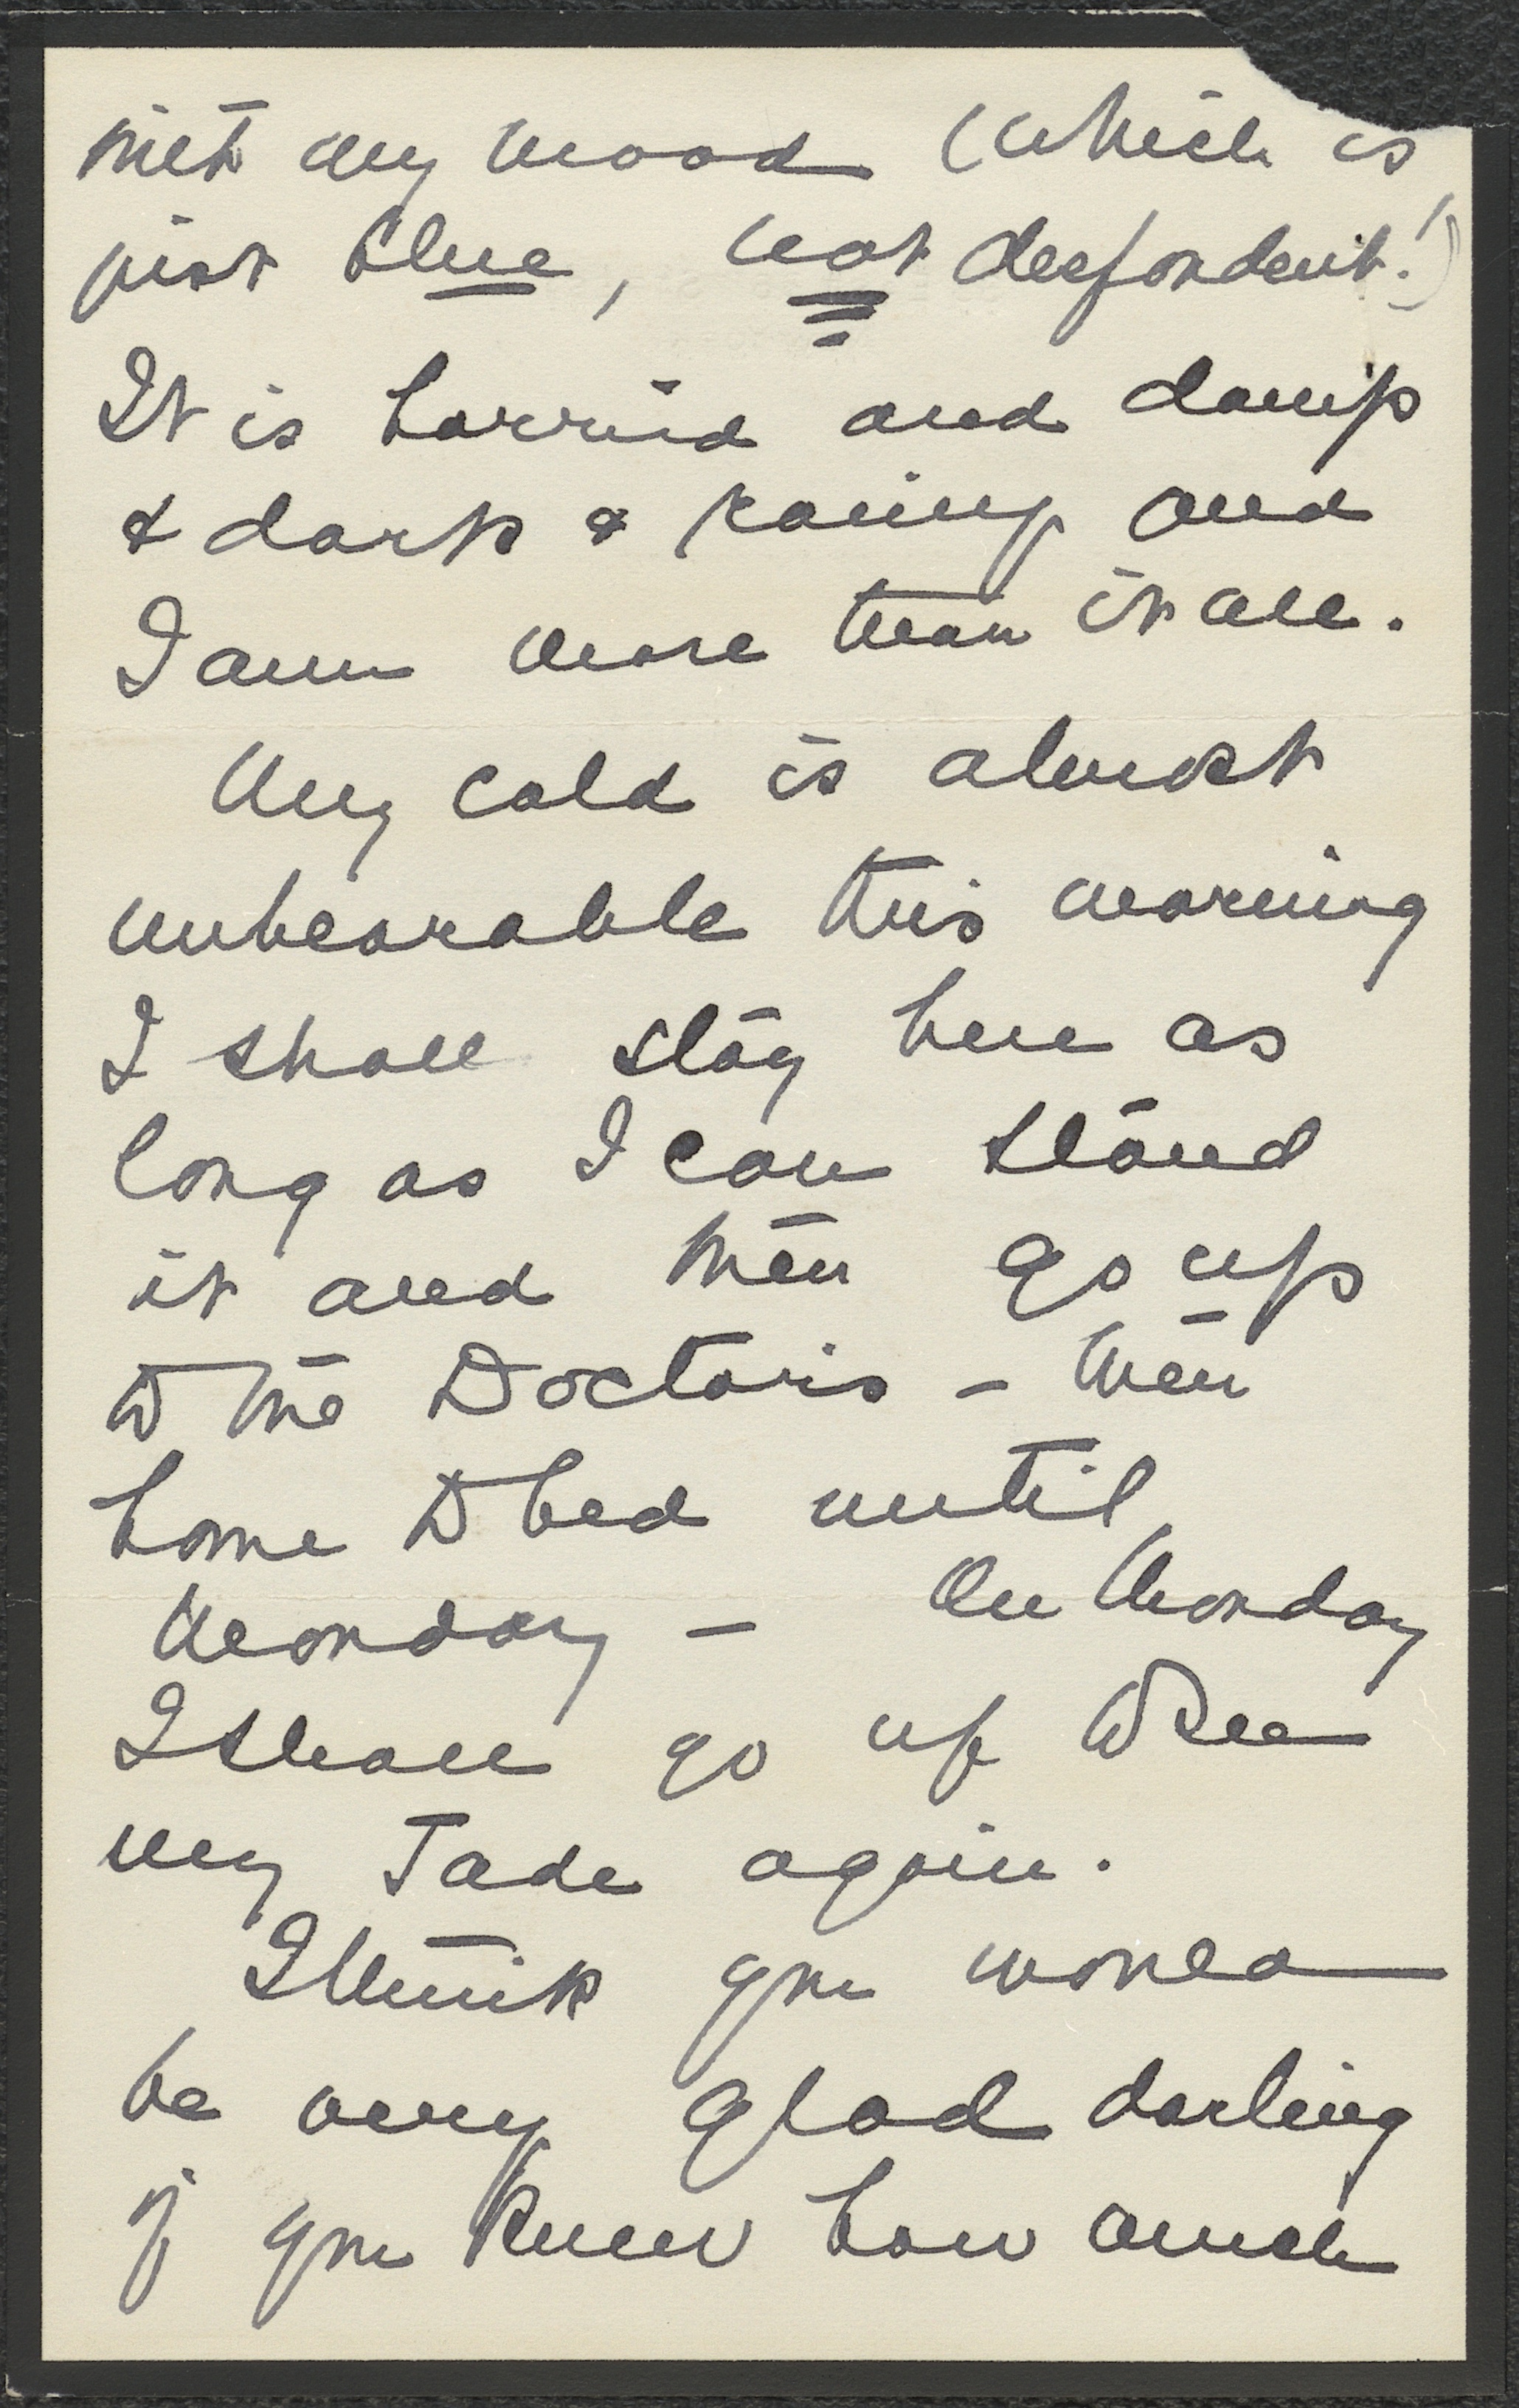with my mood (which is just blue, [triple underlined: not] despondent!) It is horrid and damp & dark & rainy and I am more than it all. My cold is almost unbearable this morning I shall stay here as long as I can stand it and then go up to the Doctor’s – then home to bed until Monday – On Monday I shall go up to see my Jade again.
I think you would be very glad darling if you if you knew how much